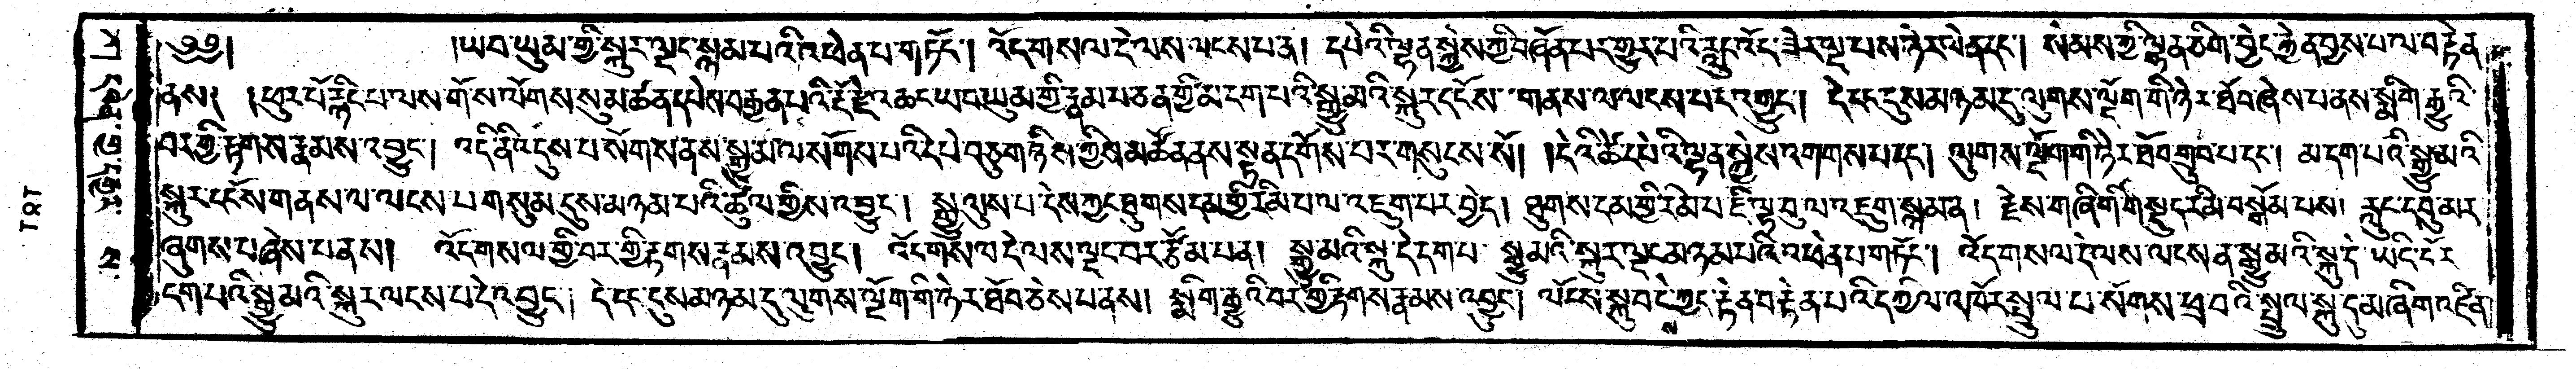༄༅། །ཡབ་ཡུམ་གྱི་སྐུར་ལྡང་སྙམ་པའི་འཕེན་པ་གཏོང་། འོད་གསལ་དེ་ལས་ལངས་པ་ན། དཔེའི་ལྷན་སྐྱེས་ཀྱི་བཞོན་པར་གྱུར་པའི་རླུང་འོད་ཟེར་ལྔ་པས་ཉེར་ལེན་དང་། སེམས་ཀྱི་ལྷན་ཅིག་བྱེད་རྐྱེན་བྱས་པ་ལ་བརྟེན་
ནས༑ ༑ཕུར་པོ་རྙིང་པ་ལས་གོ་ས་ལོགས་སུམ་ཚན་དཔེས་བརྒྱན་པའི་རྡོ་རྗེ་འཆང་ཡབ་ཡུམ་གྱི་རྣམ་པ་ཅན་གྱི་མདག་པའི་སྒྱུ་མའི་སྐུར་དངོས་གནས་ལ་ལངས་པར་འགྱུང་། དེ་དང་དུས་མཉམ་དུ་ལུགས་ལྡོག་གི་ཉེར་ཐོབ་ཞེས་པ་ནས་སྨིག་རྒྱུའི་
བར་གྱི་རྟགས་རྣམས་འབྱུང་། འདི་ནི་འདུས་པ་སོགས་ནས་སྒྱུ་མ་ལ་སོགས་པའི་དཔེ་བཅུ་གཉིས་ཀྱིས་མཚོན་ནས་སྟན་དགོས་པར་གསུངས་སོ། །དེའི་ཚེ་དཔེའི་ལྷན་སྐྱེས་འགགས་པ་དང་། ལུགས་ལྡོག་གི་ཉེར་ཐོབ་གྲུབ་པ་དང་། མ་དག་པའི་སྒྱུ་མའི་
སྐུར་དངོས་གནས་ལ་ལངས་པ་གསུམ་དུས་མཉམ་པའི་ཚུལ་གྱིས་འབྱུང་། སྒྱུ་ལུས་པ་དེས་ཀྱང་ཐུགས་དམ་གྱི་རིམ་པ་ལ་འཇུག་པར་བྱེད། ཐུགས་དམ་གྱི་རིམ་པ་ཇི་ལྟ་བུ་ལ་འཇུག་སྙམ་ན། རྗེས་གཞིག་གི་སྡུད་རིམ་བསྒོམ་པས། རླུང་དབུ་མར་
ཞུགས་པ་ཞེས་པ་ནས། འོད་གསལ་གྱི་བར་གྱི་རྟགས་རྣམས་འབྱུང་། འོད་གསལ་དེ་ལས་ལྡང་བར་རྩོམ་པ་ན། སྒྱུ་མའི་སྐུ་དེ་དག་པ་སྒྱུ་མའི་སྐུར་ལྡང་མཉམ་པའི་འཕེན་པ་གཏོང་། འོད་གསལ་དེ་ལས་ལངས་ན་སྒྱུ་མའི་སྐུ་དེ་ཡིད་ངོར་
དག་པའི་སྒྱུ་མའི་སྐུར་ལངས་པ་དེ་འབྱུང་། དེ་དང་དུས་མཉམ་དུ་ལུགས་ལྡོག་གི་ཉེར་ཐོབ་ཅེས་པ་ནས། སྨིག་རྒྱུའི་བར་གྱི་རྟགས་རྣམས་འབྱུང་། ལོངས་སྐུ་བ་དེས་ཀྱང་རྟེན་བརྟེན་པའི་དཀྱིལ་འཁོར་སྤྲུལ་པ་སོགས་ཕྲ་བའི་སྤྲུལ་སྐུ་དུ་མ་ཞིག་འཛིན།